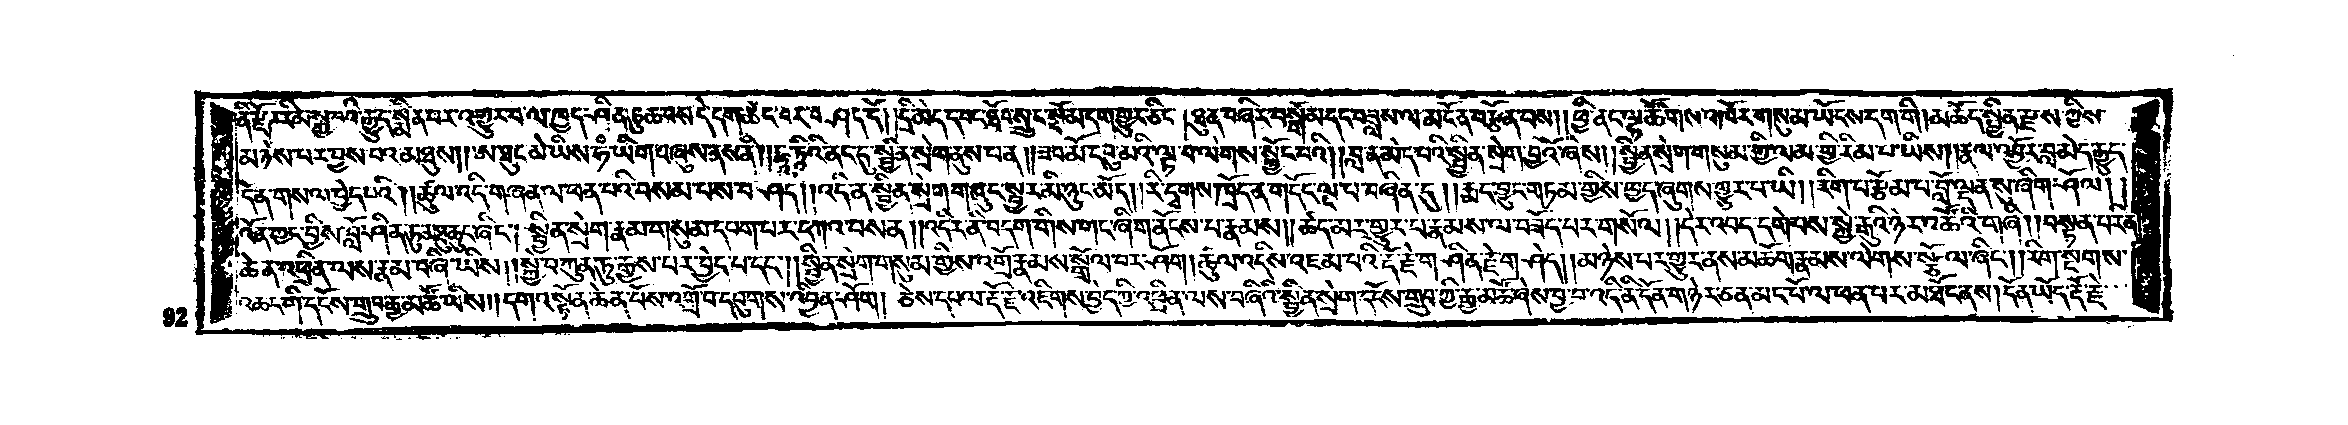ནི་རྫོགས་རིམ་སྐྱ་བའི་རྒྱུད་སྨིན་པར་འགྱུར་བ་ལ་ཁྱད་ཤིན་ཏུ་ཆེ་བས་དེ་དག་ཚང་བར་བཤད་དོ། །དྲི་མེད་དབང་ཐོབ་སྲུང་སྡོམ་དག་གྱུར་ཅིང་། ཐུན་བཞིར་བསྒོམ་དང་བཟླས་ལ་མངོན་བརྩོན་བས། །ཕྱི་ནང་ལྷ་ཚོགས་འཁོར་གསུམ་ཡོངས་དག་གི །མཆོད་སྦྱིན་རྫས་ཀྱིས་
མཉེས་པར་བྱས་པའི་མཐུས། །ཨ་ཐུང་མེ་ཡིས་ཧཾ་ཡིག་བཞུས་ནས་ནི། །དྷཱ་ཏཱིའི་ནང་དུ་སྦྱིན་སྲེག་ནུས་པ་ན། །ཟབ་མོ་དབུ་མའི་ལྟ་བ་ལེགས་སྐྱོང་བའི། །བླ་ན་མེད་པའི་སྦྱིན་སྲེག་བྱའོ་ཞེས། །སྦྱིན་སྲེག་གསུམ་གྱི་ལམ་གྱི་རིམ་པ་ཡིས། །རྣལ་འབྱོར་བླ་མེད་རྒྱུད་
དོན་གསལ་བྱེད་པའི། །ཚུལ་འདི་གཞན་ལ་ཕན་པའི་བསམ་པས་བཤད། །འདི་ན་སྦྱིན་སྲེག་གཞུང་སྦྱར་མི་ཉུང་མོད། །རི་དྭགས་ཁྲོད་ན་གདོང་ལྔ་པ་བཞིན་དུ། །རྨད་བྱུང་གཏམ་གྱིས་ཁྱད་ཞུགས་གྱུར་པ་ཡི། །རིག་པ་རྩོམ་པ་བློ་ལྡན་སུ་ཞིག་ཤོལ། །
འོན་ཀྱང་བྱིས་བློ་ཤིན་ཏུ་མཐུ་ཆུང་ཞིང་། སྦྱིན་སྲེག་རྣམ་གསུམ་དཔག་པར་དཀའ་བས་ན། །འདིར་ནི་བདག་གིས་གང་ཞིག་ནོངས་པ་རྣམས། །ཚད་མར་གྱུར་པ་རྣམས་ལ་བཟོད་པར་གསོལ། །དེར་འབད་དགེ་བས་སྐྱེ་རྒུའི་ཉེར་འཚོའི་གཞི། །བསྟན་པ་རིན་
ཆེན་འཕྲིན་ལས་རྣམ་བཞི་ཡིས། །སྐྱེ་བ་ཀུན་ཏུ་རྒྱས་པར་བྱེད་པ་དང་། །སྦྱིན་སྲེག་གསུམ་གྱིས་འགྲོ་རྣམས་སྒྲོལ་བར་ཤོག །ཚུལ་འདིས་འཇམ་པའི་རྡོ་རྗེ་གཤིན་རྗེ་གཤེད། །མཉེས་པར་གྱུར་ནས་མཆོག་རྣམས་ལེགས་སྩོལ་ཞིང་། །རིག་སྔགས་
འཆང་གི་དངོས་གྲུབ་རྒྱ་མཚོ་ཡིས། །དགའ་སྟོན་ཆེན་པོས་འགྲོ་བ་དབུགས་འབྱིན་ཤོག །ཅེས་དཔལ་རྡོ་རྗེ་འཇིགས་བྱེད་ཀྱི་འཕྲིན་ལས་བཞིའི་སྦྱིན་སྲེག་དངོས་གྲུབ་ཀྱི་རྒྱ་མཚོ་ཞེས་བྱ་བ་འདི་ནི་དོན་གཉེར་ཅན་མང་པོ་ལ་ཕན་པར་མཐོང་ནས། དོན་ཡོད་རྡོ་རྗེ་